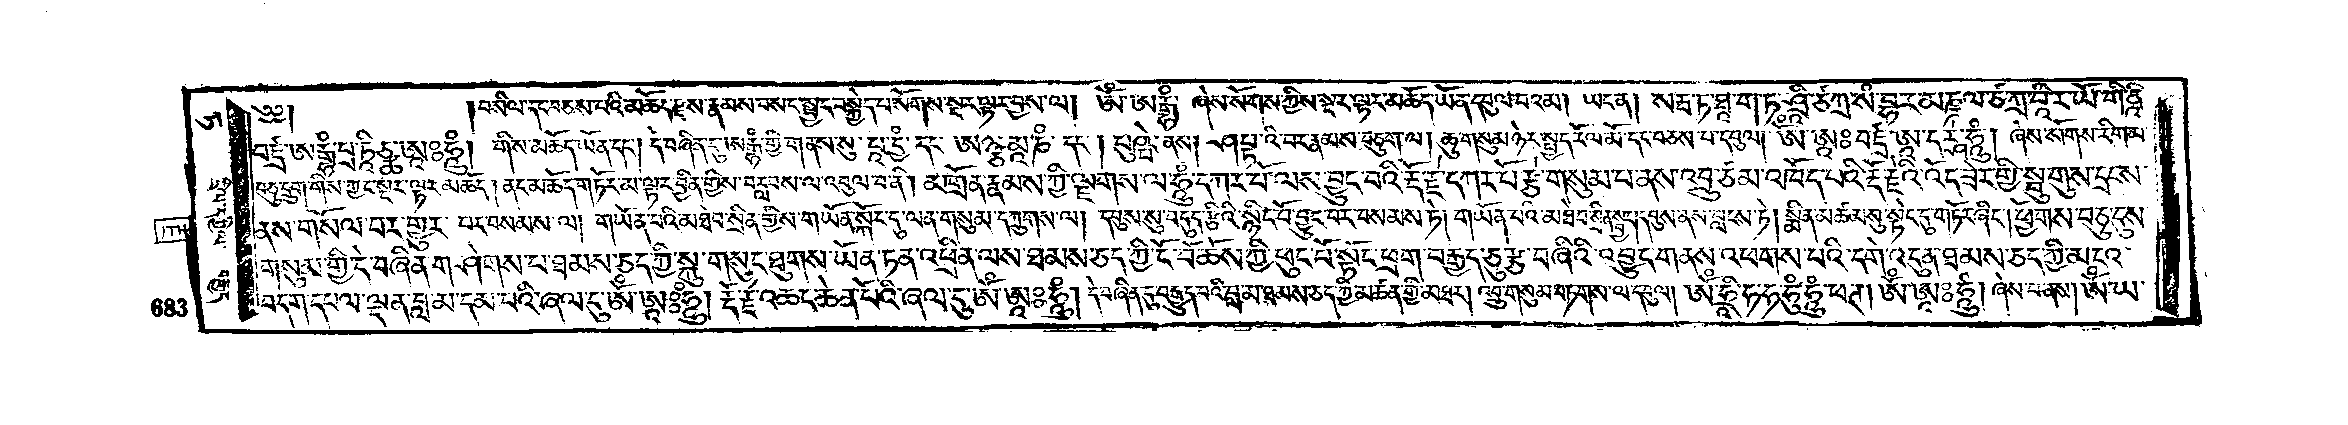༄༅། །བསིལ་དང་བཅས་པའི་མཆོད་རྫས་རྣམས་བསང་སྦྱང་བསྐྱེད་པ་སོགས་སྔར་ལྟར་བྱས་ལ། ཨོཾ་ཨརྒྷཾ་ཞེས་སོགས་ཀྱིས་སྔར་ལྟར་མཆོད་ཡོན་དབུལ་བའམ། ཡང་ན།  སརྦ་ཏ་ཐཱ་ག་ཏ་ཤྲཱི་ཙཀྲ་སཾ་བྷ་ར་མཎྜལ་ཙ་ཀྲ་བཱི་ར་ཡོ་གི་ནཱི་
བཛྲ་ཨརྒྷཾ་པྲ་ཏཱི་ཙྪ་ཨཱཿ ཧཱུཾ། གིས་མཆོད་ཡོན་དང་། དེ་བཞིན་དུ་ཨརྒྷཾ་གྱི་གནས་སུ་པཱ་དྱཾ་དང་ཨཉྩ་མཱ་ཎཾ་དང་།  པུཥྤེ་ནས།  ཤཔྟ་འི་བར་རྣམས་བཅུག་ལ། ཆུ་གསུམ་ཉེར་སྤྱད་རོལ་མོ་དང་བཅས་པ་དབུལ།  ཨོཾ་ཨཱཿ བཛྲ་ཨཱ་དརྴེ་ཧཱུཾ། ཞེས་སོགས་རིག་མ་
བཅུ་དྲུག་གིས་ཀྱང་སྔར་ལྟར་མཆོད། ནང་མཆོད་གཏོར་མ་ལྟར་བྱིན་གྱིས་བརླབས་ལ་འབུལ་བ་ནི། མགྲོན་རྣམས་ཀྱི་ལྗགས་ལ་ཧཱུཾ་དཀར་པོ་ལས་བྱུང་བའི་རྡོ་རྗེ་དཀར་པོ་རྩེ་གསུམ་པ་ནས་འབྲུ་ཙམ་འཁོད་པའི་རྡོ་རྗེའི་འོད་ཟེར་གྱི་སྦུ་གུས་དྲངས་
ནས་གསོལ་བར་གྱུར་པར་བསམས་ལ། གཡོན་པའི་མཐེབ་སྲིན་གྱིས་གཡོན་སྐོར་དུ་ལན་གསུམ་དཀྲུགས་ལ། དབུས་སུ་བདུད་རྩིའི་སྙིང་པོ་བྱུང་བར་བསམས་ཏེ། གཡོན་པའི་མཐེབ་སྲིན་སྦྱར། དབུས་ནས་བླངས་ཏེ། སྨིན་མཚམས་སུ་སྟེང་དུ་གཏོར་ཞིང་།  ཕྱོགས་བཅུ་དུས་
གསུམ་གྱི་དེ་བཞིན་གཤེགས་པ་ཐམས་ཅད་ཀྱི་སྐུ་གསུང་ཐུགས་ཡོན་ཏན་འཕྲིན་ལས་ཐམས་ཅད་ཀྱི་ངོ་བོ་ཆོས་ཀྱི་ཕུང་པོ་སྟོང་ཕྲག་བརྒྱད་ཅུ་རྩ་བཞིའི་འབྱུང་གནས་འཕགས་པའི་དགེ་འདུན་ཐམས་ཅད་ཀྱི་མངའ་
བདག་དཔལ་ལྡན་བླ་མ་དམ་པའི་ཞལ་དུ་ཨོཾ་ཨཱཿ ཧཱུཾ། རྡོ་རྗེ་འཆང་ཆེན་པོའི་ཞལ་དུ་ཨོཾ་ཨཱཿ ཧཱུཾ། དེ་བཞིན་དུ་བརྒྱུད་པའི་བླ་མ་ཐམས་ཅད་ཀྱི་མཚན་གྱི་མཐར། འབྲུ་གསུམ་བཏགས་ལ་དབུལ།  ཨོཾ་ཧྲཱི་ཧ་ཧ་ཧུཾ་ཧཱུཾ་ཕཊ། ཨོཾ་ཨཱཿ ཧཱུཾ། ཞེས་པ་ནས།  ཨོཾ་ཡ་